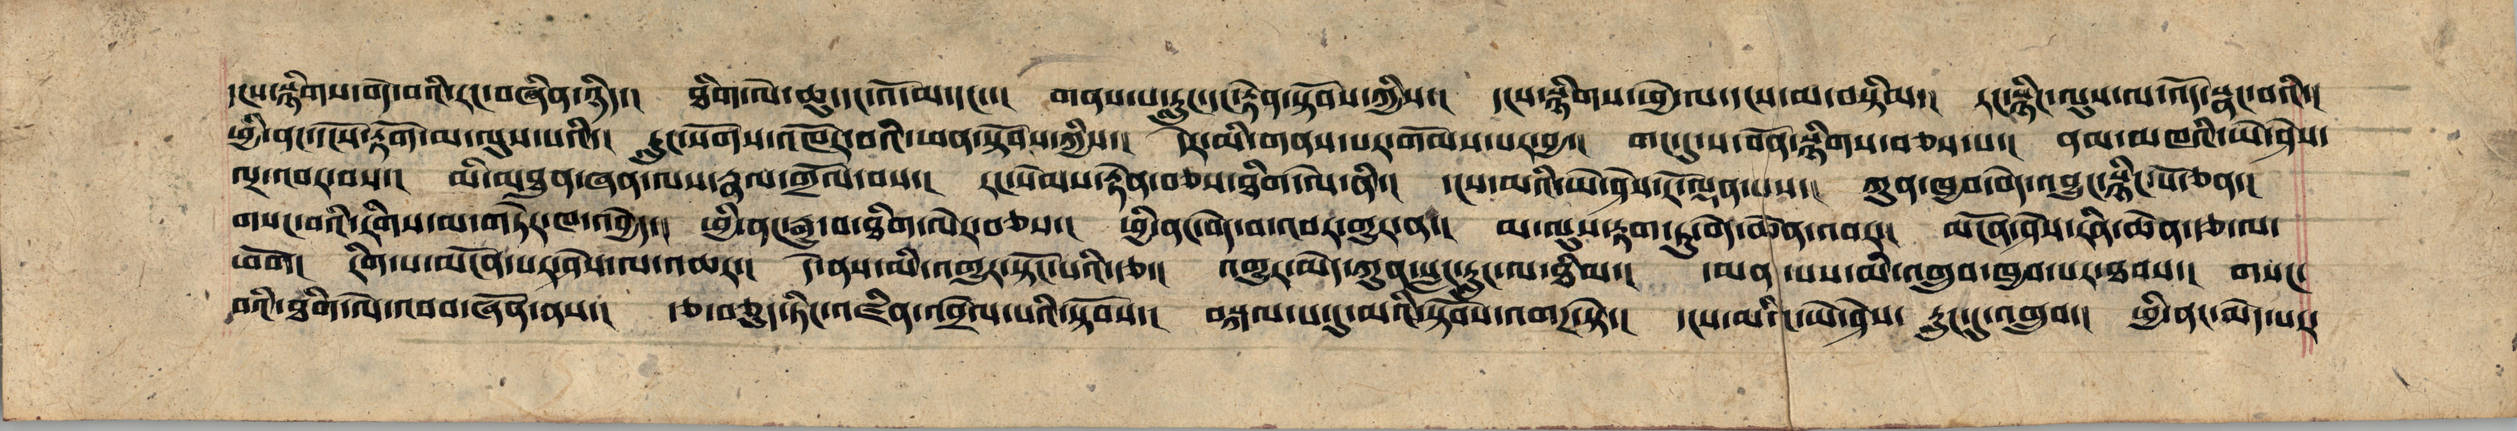དངས་སྙིགས་བདེ་བའི་རང་བཞིན་ཉིད་། ཐིག་ལེ་ཆུ་དང་འོ་མ་དང་་། གནས་པ་རླུང་དང་རྟེན་སྟོབས་ཀྱིས་། དངས་སྙིགས་ཕྱེ་ལ་དངས་མ་བསྟིམ་། རང་སྙིཌ་ལུས་ལ་འོད་སྣང་བའི་།
ཕྱི་ནང་དངོས་རྟོག་མ་ལུས་པའི་། རླུང་སོགས་འཁོར་བའི་ཕན་སྟོབས་ཀྱིས་། དེར་མི་གནས་པར་གོམས་པར་བྱ་། གང་དུ་ས་བོན་སྙིགས་བཅས་པ་། ནམ་མཁའི་ཡེ་ཤེས་
ལྔ་འབར་བས་། མི་མཐུན་ཞན་ལས་རྣམ་གྲོལ་བས་། རང་སེམས་རྟེན་བཅས་ཐིག་ལེ་ནི་། དངས་མའི་ཡེ་ཤེས་རོ་ལྡན་པས་། ཀུན་ཁྱབ་བདེ་འབྱུང་སྙིང་པོ་ཅན་།
གསང་བའི་རིགས་མ་གཏེར་ཁ་འབྱེད་། ཕྱི་ནང་རྒྱུ་བ་ཐིག་ལེར་བཅས་། ཕྱི་ནང་བདེ་བ་འབར་གྱུར་ན་། མ་ལུས་རྟག་ཏུ་བདེ་ཆེན་འབར་། མངོན་ཤེས་རིན་ཆེན་རྩ་ལ་
ཕོག། རིག་པ་མངོན་པར་ཤེས་ལ་འཆར་། དེ་ནས་མི་འགྱུར་སྟོང་པའི་རྩ་། འགྱུར་མེད་ཀུན་སླང་རླུང་ལ་ཐིམ་། དམན་པས་མི་འགྲུབ་ཁྱབ་པར་ཐབས་། གསང་
བའི་ཐིག་ལེ་འབབ་ཞོན་ནས་། རྩ་བཅུད་ཏིང་འཛིན་འབྲེལ་པའི་སྟོབས་། བསྐལ་པ་དུ་མའི་སྟོབས་འགཌ་སྟེ་། དངས་མའི་ཡེ་ཤེས་ རླུང་དུ་འགྲུབ་། ཕྱི་ནང་མེད་པར་